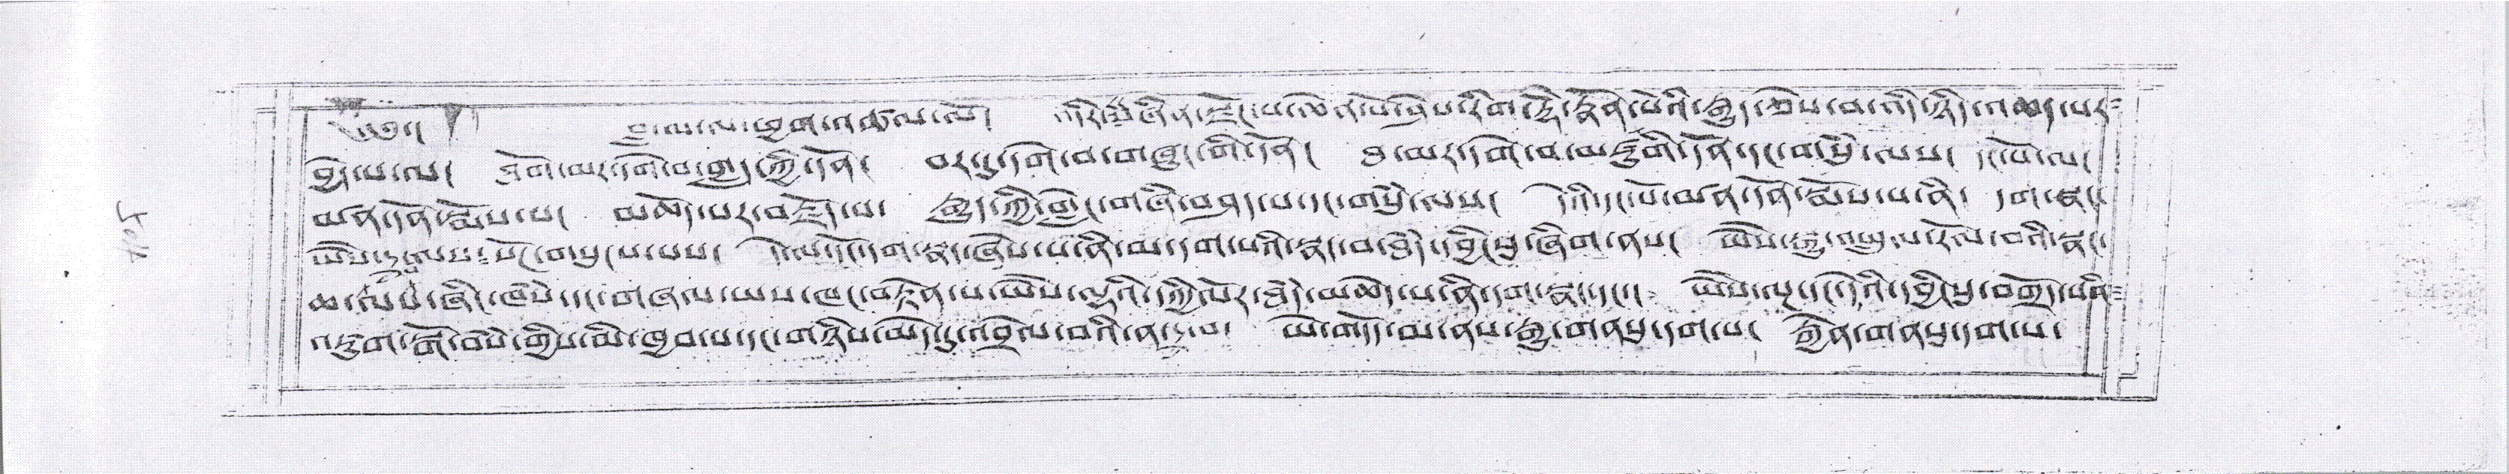༄༅།། །།བླ་མ་ལ་ཕྱག་འཚལ་ལོ། འདིར་རང་བཞིན་རྫོགས་པ་ཆེན་པོ་ཤེས་རིག་རྡོ་རྗེ་རྣོན་པོའི་རྒྱུད་ཅེས་པ་འདི་ཉིད་འཆད་པར་
བྱེད་པ་ལ། ཐོག་མར་དགེ་བ་ཀླད་ཀྱི་དོན། བར་དུ་དགེ་བ་གཞུང་གི་དོན། ཐ་མར་དགེ་བ་མཇུག་གི་དོན་དང་གསུམ་ལས། དང་པོ་ལ་
མཚན་དོན་སྨོས་པ། མཆོད་པར་བརྗོད་པ། རྒྱུད་ཀྱི་གླེང་གཞི་བཤད་པ་དང་གསུམ་ལས། དེའི་དང་པོ་མཚན་དོན་སྨོས་པ་ནི། དག་སྣང་
ཡེ་ཤེས་དྲྭ་བ་ལ་སོགས་གསུངས་པས། དེ་ལ་དང་པོ་དག་སྣང་ཞེས་པ་ནི། མ་དག་པའི་སྣང་བ་ཐམས་ཅད་དབྱིངས་སུ་ཞིག་ནས། ཡེ་ཤེས་སྒྱུ་འཕྲུལ་རོལ་པའི་སྣང་
ཆ་ལས། ཞིང་ཁམས་དང་གཞལ་ཡས་ཁང་བརྟེན་པ་ཡེ་ཤེས་ལྷ་ཡི་དཀྱིལ་འཁོར་ཐམས་ཅད་མཆེད་པ་ནི་དག་སྣང་དང་། ཡེ་ཤེས་ལྔ་དང་དེའི་དབྱིངས་བགྲོད་པའི་
འཇུག་སྒོ་བསམ་གྱིས་མི་ཁྱབ་པ་དང་གཉིས་མེད་དུ་འབྲེལ་བས་ན་དྲྭ་བ། ཡེ་གདོད་མ་ནས་རྒྱུ་གནས་སུ་དག་པ། རྐྱེན་གནས་སུ་དག་པ།